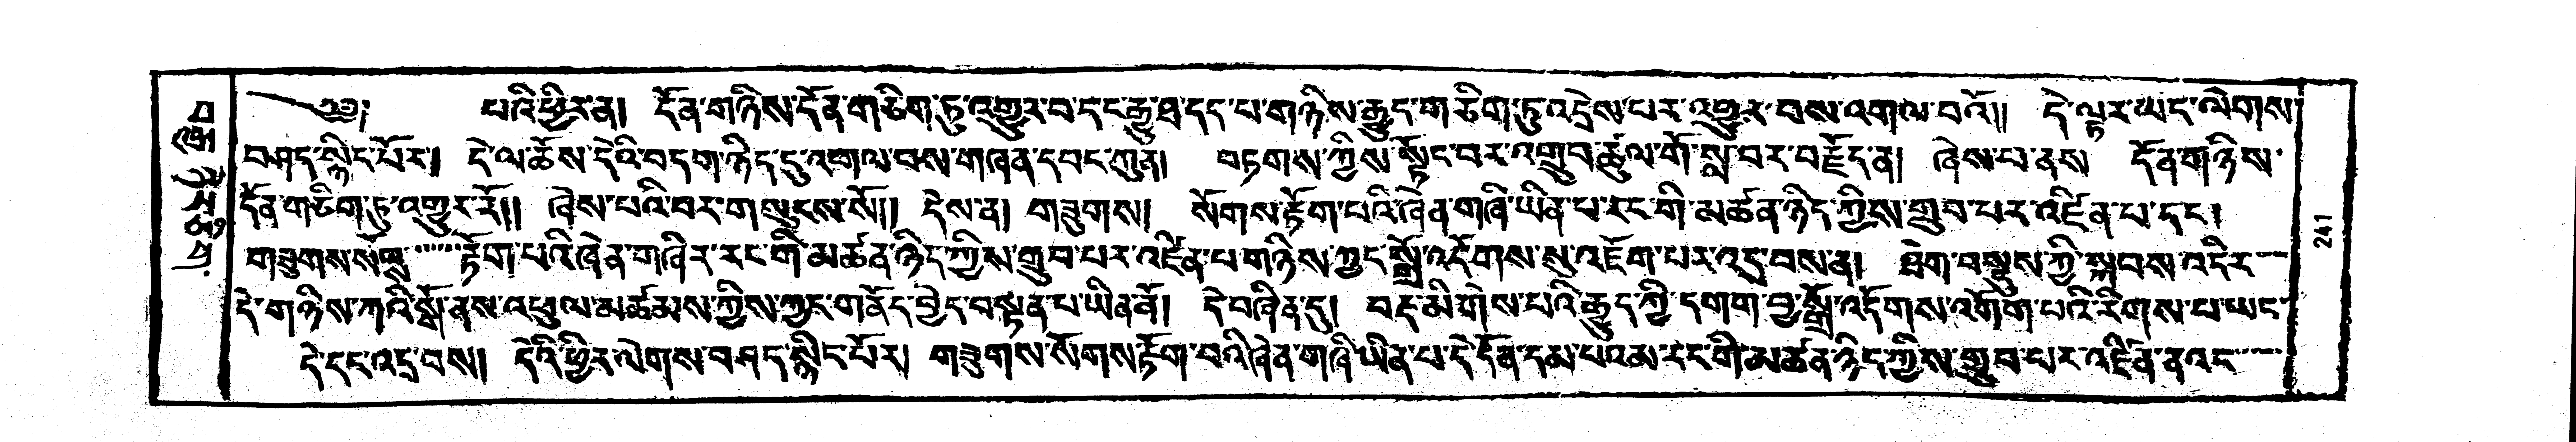༄༅། །པའི་ཕྱིར་ན། དོན་གཉིས་དོན་གཅིག་ཏུ་འགྱུར་བ་དང་རྒྱུ་ཐ་དད་པ་གཉིས་རྒྱུད་གཅིག་ཏུ་འདྲེས་པར་འགྱུར་བས་འགལ་བའོ། །དེ་ལྟར་ཡང་ལེགས་
བཤད་སྙིང་པོར། དེ་ལ་ཆོས་དེའི་བདག་ཉིད་དུ་འགལ་བས་གཞན་དབང་ཀུན། བཏགས་ཀྱིས་སྟོང་བར་འགྲུབ་ཚུལ་གོ་སླ་བར་བརྗོད་ན། ཞེས་པ་ནས་དོན་གཉིས་
དོན་གཅིག་ཏུ་འགྱུར་རོ། །ཞེས་པའི་བར་གསུངས་སོ། །དེས་ན། གཟུགས་སོགས་རྟོག་པའི་ཞེན་གཞི་ཡིན་པ་རང་གི་མཚན་ཉིད་ཀྱིས་གྲུབ་པར་འཛིན་པ་དང་།
གཟུགས་སོགས་རྟོག་པའི་ཞེན་གཞིར་རང་གི་མཚན་ཉིད་ཀྱིས་གྲུབ་པར་འཛིན་པ་གཉིས་ཀྱང་སྒྲོ་འདོགས་སུ་འཇོག་པར་འདྲ་བས་ན། ཐེག་བསྡུས་ཀྱི་སྐབས་འདིར་
དེ་གཉིས་ཀའི་སྒོ་ནས་འཕུལ་མཚམས་ཀྱིས་ཀྱང་གནོད་བྱེད་བསྟན་པ་ཡིན་ནོ། །དེ་བཞིན་དུ། བརྡ་མི་ཤེས་པའི་རྒྱུད་ཀྱི་དགག་བྱ་སྒྲོ་འདོགས་འགོག་པའི་རིགས་པ་ཡང་
དེ་དང་འདྲ་བས། དེའི་ཕྱིར་ལེགས་བཤད་སྙིང་པོར། གཟུགས་སོགས་རྟོག་པའི་ཞེན་གཞི་ཡིན་པ་དེ་དོན་དམ་པའམ་རང་གི་མཚན་ཉིད་ཀྱིས་གྲུབ་པར་འཛིན་ནའང་